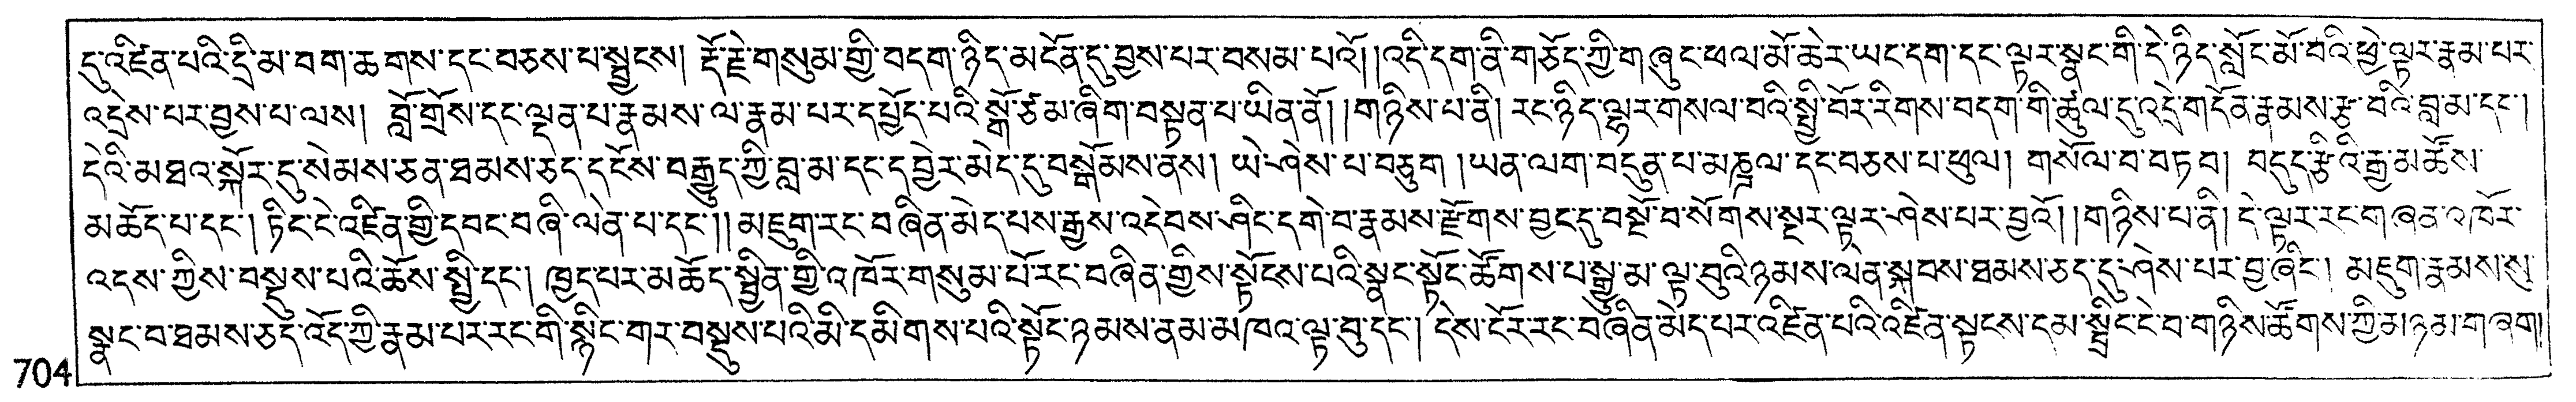དུ་འཛིན་པའི་དྲི་མ་བག་ཆགས་དང་བཅས་པ་སྦྱངས། རྡོ་རྗེ་གསུམ་གྱི་བདག་ཉིད་མངོན་དུ་བྱས་པར་བསམ་པའོ། །འདི་དག་ནི་གཅོད་ཀྱི་གཞུང་ཕལ་མོ་ཆེར་ཡང་དག་དང་ལྟར་སྣང་གི་དེ་ཉིད་སློང་མོ་བའི་ཕྱེ་ལྟར་རྣམ་པར་
འདྲེས་པར་བྱས་པ་ལས། བློ་གྲོས་དང་ལྡན་པ་རྣམས་ལ་རྣམ་པར་དཔྱོད་པའི་སྒོ་ཙམ་ཞིག་བསྟན་པ་ཡིན་ནོ། །གཉིས་པ་ནི། རང་ཉིད་ལྷར་གསལ་བའི་སྤྱི་བོར་རིགས་བདག་གི་ཚུལ་དུ་འདྲེ་གདོན་རྣམས་རྩ་བའི་བླ་མ་དང་།
དེའི་མཐའ་སྐོར་དུ་སེམས་ཅན་ཐམས་ཅད་དངོས་བརྒྱུད་ཀྱི་བླ་མ་དང་དབྱེར་མེད་དུ་བསྒོམས་ནས། ཡེ་ཤེས་པ་བཅུག །ཡན་ལག་བདུན་པ་མཎྜལ་དང་བཅས་པ་ཕུལ། གསོལ་བ་བཏབ། བདུད་རྩིའི་རྒྱ་མཚོས་
མཆོད་པ་དང་། ཏིང་ངེ་འཛིན་གྱི་དབང་བཞི་ལེན་པ་དང་། །མཇུག་རང་བཞིན་མེད་པས་རྒྱས་འདེབས་ཤིང་དགེ་བ་རྣམས་རྫོགས་བྱང་དུ་བསྔོ་བ་སོགས་སྔར་ལྟར་ཤེས་པར་བྱའོ། །གཉིས་པ་ནི། དེ་ལྟར་རང་གཞན་འཁོར་
འདས་ཀྱིས་བསྡུས་པའི་ཆོས་སྤྱི་དང་། ཁྱད་པར་མཆོད་སྦྱིན་གྱི་འཁོར་གསུམ་པོ་རང་བཞིན་གྱིས་སྟོངས་པའི་སྣང་སྟོང་ཚོགས་པ་སྒྱུ་མ་ལྟ་བུའི་ཉམས་ལེན་སྐབས་ཐམས་ཅད་དུ་ཤེས་པར་བྱ་ཞིང་། མཇུག་རྣམས་སུ་
སྣང་བ་ཐམས་ཅད་འོད་ཀྱི་རྣམ་པར་རང་གི་སྙིང་གར་བསྡུས་པའི་མི་དམིགས་པའི་སྟོང་ཉམས་ནམ་མཁའ་ལྟ་བུ་དང་། དེས་ངོར་རང་བཞིན་མེད་པར་འཛིན་པའི་འཛིན་སྟངས་དམ་སྦྲིང་ངེ་བ་གཉིས་ཚོགས་ཀྱི་མཉམ་གཞག །